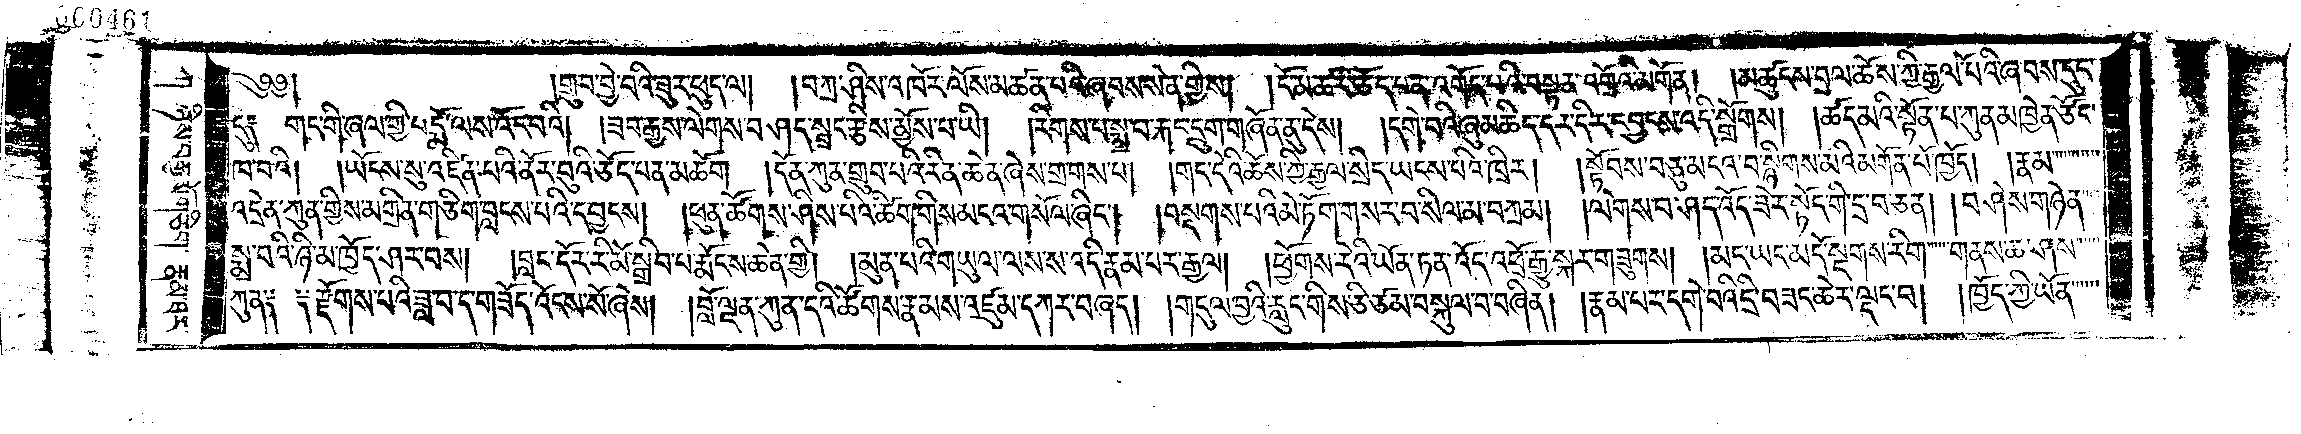༄༅། །གྲུབ་བྱེ་བའི་ཟུར་ཕུད་ལ། །བཀྲ་ཤིས་འཁོར་ལོས་མཚན་པའི་ཞབས་སེན་གྱིས། །ངོ་མཚར་ཅོད་པཎ་འགོད་པའི་བསྟན་འགྲོའི་མགོན། །མཚུངས་བྲལ་ཆོས་ཀྱི་རྒྱལ་པོའི་ཞབས་དྲུང་
དུ༑ གང་གི་ཞལ་གྱི་པདམོ་ལས་འོང་བའི། །ཟབ་རྒྱས་ལེགས་བཤད་སྦྲད་རྩིས་མྱོས་པ་ཡི། །རིགས་པ་སྨྲ་བ་རྐང་དྲུག་གཞོན་ནུ་དེས། །དགེ་བའི་ཞུ་མཆིད་དར་དིར་དབྱངས་འདི་སྒྲོགས། །ཚད་མའི་སྟོན་པ་ཀུན་མཁྱེན་ཙོད་
ཁ་པའི། །ཡོངས་སུ་འཛིན་པའི་ནོར་བུའི་ཅོད་པཎ་མཆོག །དོན་ཀུན་གྲུབ་པའི་རིན་ཆེན་ཞེས་གྲགས་པ། །གང་དེའི་ཆོས་ཀྱི་རྒྱལ་སྲིད་ཡངས་པའི་ཁྲིད། །སྟོབས་བཅུ་མངའ་བ་སྙིགས་མའི་མགོན་པོ་ཁྱོད། །རྣམ་
འདྲེན་ཀུན་གྱིས་མགྲིན་གཅིག་བླངས་པའི་དབྱངས། །ཕུན་ཚོགས་ཤིས་པའི་ཚིག་གིས་མངའ་གསོལ་ཞིང་། །བསྔགས་པའི་མེ་ཏོག་གསར་བ་སིལ་མ་བཀྲམ། །ལེགས་བཤད་འོད་ཟེར་སྟོང་གི་དྲ་བ་ཅན། །བཤེས་གཉེན་
སྨྲ་བའི་ཉི་མ་ཁྱོད་ཤར་བས། །བླང་དོར་རི་མོ་སྒྲིབ་པ་རྨོངས་ཆེན་གྱི། །མུན་པའི་གཡུལ་ལས་ས་འདི་རྣམ་པར་རྒྱལ། །ཕྱོགས་རེའི་ཡོན་ཏན་འོད་འཕྲོ་རྒྱུ་སྐར་གཟུགས། །མང་ཡང་མདོ་སྔགས་རིག་གནས་ཆ་ཤས་
ཀུན༑ ༑རྫོགས་པའི་ཟླ་བ་ད་གཟོད་འོངས་སོ་ཞེས། །བློ་ལྡན་ཀུན་དའི་ཚོགས་རྣམས་འཛུམ་དཀར་བཞད། །གདུལ་བྱའི་རླུང་གིས་ཅི་ཙམ་བསྐུལ་བ་བཞིན། །རྣམ་པར་དགེ་བའི་དྲི་བཟང་ཆེར་ལྡང་བ། །ཁྱོད་ཀྱི་ཡོན་